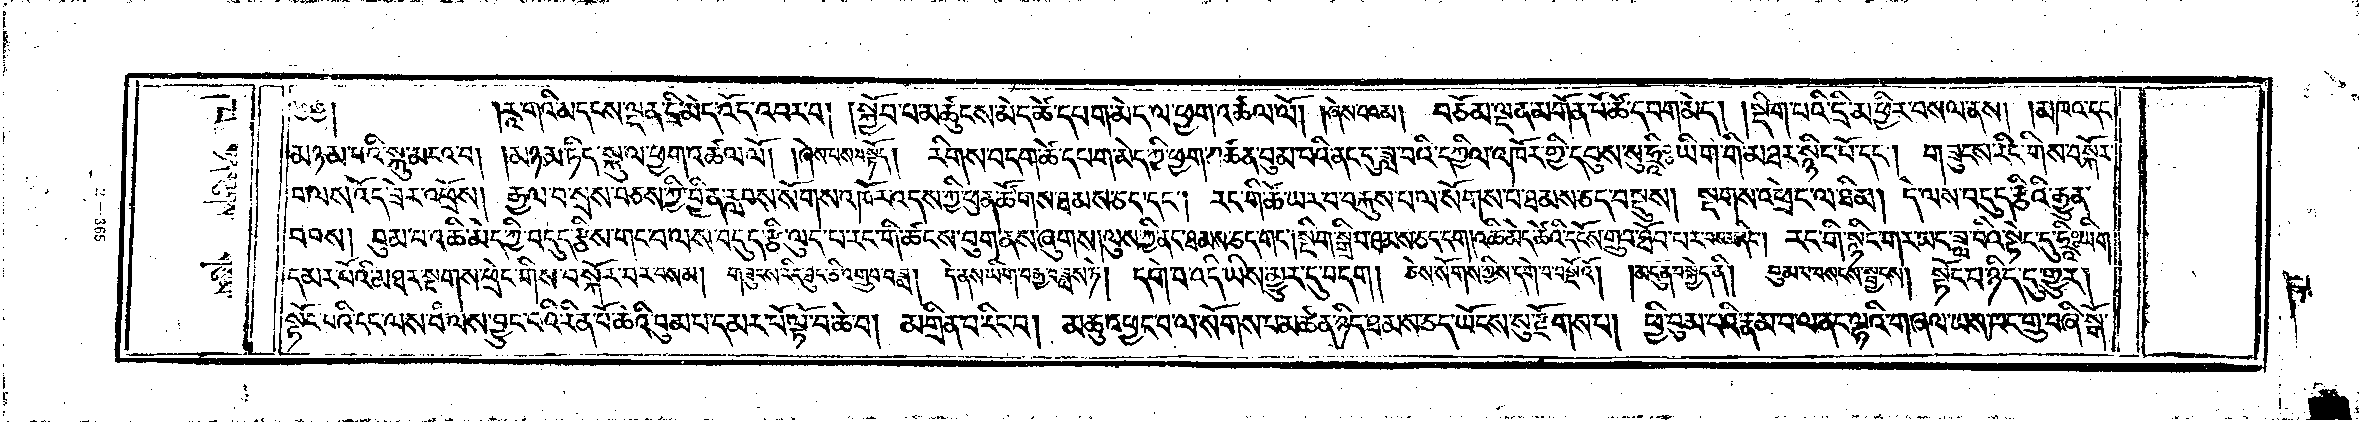༄༅། །རཱ་གའི་མདངས་ལྡན་དྲི་མེད་འོད་འབར་བ། །སྐྱོབ་པ་མཚུངས་མེད་ཚེ་དཔག་མེད་ལ་ཕྱག་འཚལ་ལོ། །ཞེས་བའམ།  བཅོམ་ལྡན་མགོན་པོ་ཚེ་དཔག་མེད། །སྡིག་པའི་དྲི་མ་ཕྱིར་བསལ་ནས། །མཁའ་དང་
མཉམ་པའི་སྐུ་མངའ་བ། །མཉམ་ཏིད་སྐུ་ལ་ཕྱག་འཚལ་ལོ། །ཞེས་པས་བསྟོད།  རིགས་བདག་ཚེ་དཔག་མེད་ཀྱི་ཕྱག་མཚན་བུམ་པའི་ནང་དུ་ཟླ་བའི་དཀྱིལ་འཁོར་གྱི་དབུས་སུ་ཧྲཱིཿཡིག་གི་མཐར་སྙིང་པོ་དང་། གཟུངས་རིང་གིས་བསྐོར་
བ་ལས་འོད་ཟེར་འཕྲོས། རྒྱལ་བ་སྲས་བཅས་ཀྱི་བྱིན་རླབས་སོགས་འཁོར་འདས་ཀྱི་ཕུན་ཚོགས་ཐམས་ཅད་དང་། རང་གི་ཚེ་ཡར་བ་བརྐུས་པ་ལ་སོགས་པ་ཐམས་ཅད་བསྡུས། སྔགས་འཕྲེང་ལ་ཐིམ། དེ་ལས་བདུད་རྩིའི་རྒྱུན་
བབས། བུམ་པ་འཆི་མེད་ཀྱི་བདུད་རྩིས་གང་བ་ལས་བདུད་རྩི་ལུད་པ་རང་གི་ཚངས་བུག་ནས་ཞུགས། ལུས་ཀྱི་ནང་ཐམས་ཅད་གང་།སྡིག་སྒྲིབ་ཐམས་ཅད་དག །འཆི་མེད་ཚེའི་དངོས་གྲུབ་ཐོབ་པར་བསམ་ཞིང་། རང་གི་སྙིང་གར་ཡང་ཟླ་བའི་སྟེང་དུ་ཧྲཱིཿཡིག་
དམར་པོའི་མཐར་སྔགས་ཕྲེང་གིས་བསྐོར་བར་བསམ། གཟུངས་འདི་ཐུང་ཅི་འགྲུབ་བཟླ། དེ་ནས་ཡིག་བརྒྱ་བཟླས་ཏེ།  དགེ་བ་འདི་ཡིས་མྱུར་དུ་བདག། ཅེས་སོགས་ཀྱིས་དགེ་བ་བསྔོའོ། །མདུན་བསྐྱེད་ནི། བུམ་པ་བསངས་སྦྱངས།  སྟོང་པ་ཉིད་དུ་གྱུར།
སྟོང་པའི་ངང་ལས་བཾ་ལས་བྱུང་བའི་རིན་པོ་ཆེའི་བུམ་པ་དམར་པོ་ལྟོ་བ་ཆེ་བ། མགྲིན་པ་རིང་བ། མཆུ་འཕྱང་བ་ལ་སོགས་པ་མཚན་ཉིད་ཐམས་ཅད་ཡོངས་སུ་རྫོགས་པ། ཕྱི་བུམ་པའི་རྣམ་པ་ལ་ནང་ལྷའི་གཞལ་ཡས་ཁང་གྲུ་བཞི་སྒོ་